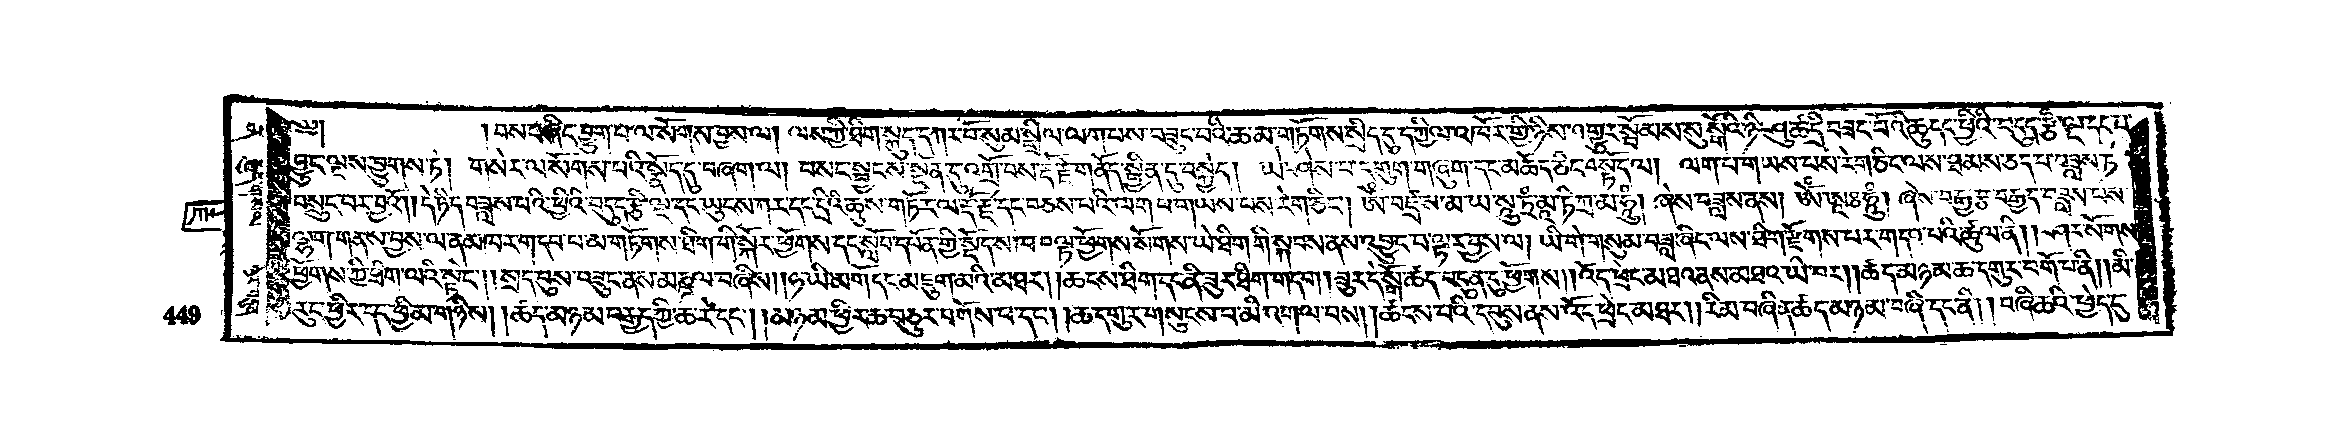༄༅། །བསང་ཞིང་བྱུག་པ་ལ་སོགས་བྱས་ལ། ལས་ཀྱི་ཐིག་སྐུད་དཀར་པོ་སུམ་སྒྲིལ་ལག་པས་བཟུང་བའི་ཆ་མ་གཏོགས་སྲིད་དུ་དཀྱིལ་འཁོར་གྱི་ཉིས་འགྱུར་སྦོམས་སུ་སྒོའི་ཉི་ཤུ་ཆ་དྲི་བཟང་པོའི་ཆུ་དང་ཕྱིའི་བདུད་རྩི་ལྔ་དང་པོ་
བྱུང་ལྔས་བྱུགས་ཏེ། གསེར་ལ་སོགས་པའི་སྣོད་དུ་བཞག་ལ། བསང་སྦྱངས་སྔོན་དུ་འགྲོ་བས་རྡོ་རྗེ་གནོད་སྦྱིན་དུ་བསྐྱེད། ཡེ་ཤེས་པ་དགུག་གཞུག་དང་མཆོད་ཅིང་བསྟོད་ལ། ལག་པ་གཡས་པས་རེག་ཅིང་ལས་ཐམས་ཅད་པ་བཟླས་ཏེ་
བསྲུང་བར་བྱའོ། །དེ་ཉིད་བཟླས་པའི་ཕྱིའི་བདུད་རྩི་ལྔ་དང་ཡུངས་ཀར་དང་དྲིའི་ཆུས་གཏོར་ལ་རྡོ་རྗེ་དང་བཅས་པའི་ལག་པ་གཡས་པས་རེག་ཅིང་། ཨོཾ་བཛྲ་ས་མ་ཡ་སཱུ་ཏྲཾ་མཱ་ཏི་ཀྲ་མ་ཧཱུཾ། ཞེས་བཟླས་ནས། ཨོཾ་ཨཱཿ ཧཱུཾ། ཞེས་བརྒྱ་རྩ་བརྒྱད་བཟླས་པས་
ལྷག་གནས་བྱས་ལ་ནམ་མཁར་གདབ་པ་མ་གཏོགས་ཐིག་གི་སྐོར་ཕྱོགས་དང་སློབ་དཔོན་གྱི་སྡོད་ས་ཁ་བལྟ་ཕྱོགས་སོགས་ཡེ་ཐིག་གི་སྐབས་ནས་འབྱུང་བ་ལྟར་བྱས་ལ། ཡི་གེ་གསུམ་བཟླ་ཞིང་ལས་ཐིག་རྫོགས་པར་གདབ་པའི་ཚུལ་ནི། །ཤར་སོགས་
ཕྱོགས་ཀྱི་ཐིག་ལེའི་སྟེང་། །སྲད་བུས་བཟུང་ནས་མཎྜལ་བཞིས། །ཉ་ཡི་མགོ་དང་མཇུག་མའི་མཐར། །ཆངས་ཐིག་དང་ནི་ཟུར་ཐིག་གདབ། །ཟུར་དེ་སྒོ་ཚད་བདུན་དུ་ཕྱོགས། །འོད་ཕྲེང་མཐའ་ནས་མཐའ་ཡི་བར། །ཚད་མཉམ་ཆ་དགུར་བགོ་པ་ནི། །མི་
རུང་ཕྱིར་དང་ཕྱི་མ་གཉིས། །ཚང་མཉམ་བརྒྱད་ཀྱི་ཆ་རེ་དང་། །མཉམ་ཕྱིར་ཆ་བཅུར་བཀོས་པ་དང་། །ཆ་དགུར་གསུངས་པ་མི་འགལ་བས། །ཚངས་པའི་དབུས་ནས་འོད་ཕྲེང་མཐར། །རིམ་བཞིན་ཚད་མཉམ་བཞི་དང་ནི། །བཞི་ཆའི་ཕྱེད་དུ་